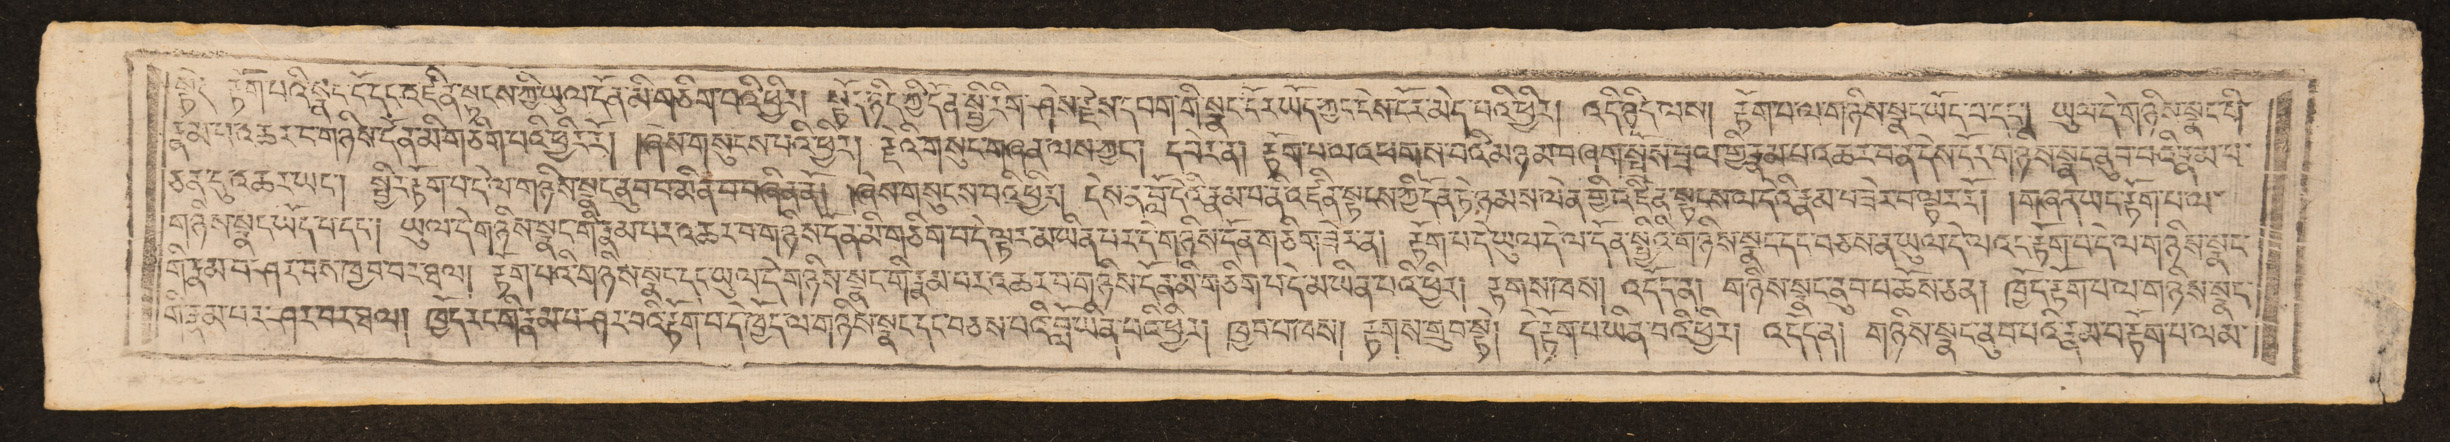སྟེ༑ རྟོག་པའི་སྣང་ངོ་དང་འཛིན་སྟངས་ཀྱི་ཡུལ་དོན་མི་གཅིག་པའི་ཕྱིར། སྟོང་ཉིད་ཀྱི་དོན་སྤྱི་རིག་ཤེས་རྗེས་དཔག་གི་སྣང་ངོར་ཡོད་ཀྱང་ངེས་ངོར་མེད་པའི་ཕྱིར། འདི་ཉིད་ལས། རྟོག་པ་ལ་གཉིས་སྣང་ཡོད་པ་དང་། ཡུལ་དེ་གཉིས་སྣང་གི་
རྣམ་པ་འཆར་བ་གཉིས་དོན་མི་གཅིག་པའི་ཕྱིར་རོ། །ཞེས་གསུངས་པའི་ཕྱིར། རྗེའི་གསུང་གཞན་ལས་ཀྱང་། དཔེར་ན། རྟོག་པ་ལ་འཕགས་པའི་མཉམ་བཞག་སྤྲོས་བྲལ་གྱི་རྣམ་པ་འཆར་བ་ནི་དེས་ངོར་གཉིས་སྣང་ནུབ་པའི་རྣམ་པ་
ཅན་དུ་འཆར་ཡང་། སྤྱིར་རྟོག་པ་དེ་ལ་གཉིས་སྣང་ནུབ་བ་མིན་པ་བཞིན་ནོ། །ཞེས་གསུངས་པའི་ཕྱིར། དེས་ན་བློ་དེའི་རྣམ་པ་ནི་འཛིན་སྟངས་ཀྱི་དོན་ཏེ་ཉམས་ལེན་གྱི་འཛིན་སྟངས་ལ་དེའི་རྣམ་པ་ཟེར་བ་ལྟར་རོ། །གཞན་ཡང་རྟོག་པ་ལ་
གཉིས་སྣང་ཡོད་པ་དང་། ཡུལ་དེ་གཉིས་སྣང་གི་རྣམས་པར་འཆར་བ་གཉིས་དོན་མི་གཅིག་པ་དེ་ལྟར་མ་ཡིན་པར་དེ་གཉིས་དོན་གཅིག་ཟེར་ན། རྟོག་པ་དེ་ཡུལ་དེ་ལ་དོན་སྤྱིའི་གཉིས་སྣང་དང་བཅས་ན་ཡུལ་དེ་ལའང་རྟོག་པ་དེ་ལ་གཉིས་སྣང་
གི་རྣམ་པ་ཤར་བས་ཁྱབ་པར་ཐལ། རྟོག་པའི་གཉིས་སྣང་དང་ཡུལ་དེ་གཉིས་སྣང་གི་རྣམ་པར་འཆར་བ་གཉིས་དོན་མི་གཅིག་པ་དེ་མ་ཡིན་པའི་ཕྱིར། རྟགས་ཁས། འདོད་ན། གཉིས་སྣང་ནུབ་པ་ཆོས་ཅན། ཁྱོད་རྟོག་པ་ལ་གཉིས་སྣང་
གི་རྣམ་པར་ཤར་བར་ཐལ། ཁྱོད་རང་གི་རྣམ་པ་ཤར་བའི་རྟོག་པ་དེ་ཁྱོད་ལ་གཉིས་སྣང་དང་བཅས་པའི་བློ་ཡིན་པའི་ཕྱིར། ཁྱབ་པ་ཁས། རྟགས་གྲུབ་སྟེ། དེ་རྟོག་པ་ཡིན་པའི་ཕྱིར། འདོད་ན། གཉིས་སྣང་ནུབ་པའི་རྣམ་པ་རྟོག་པ་ལ་མ་